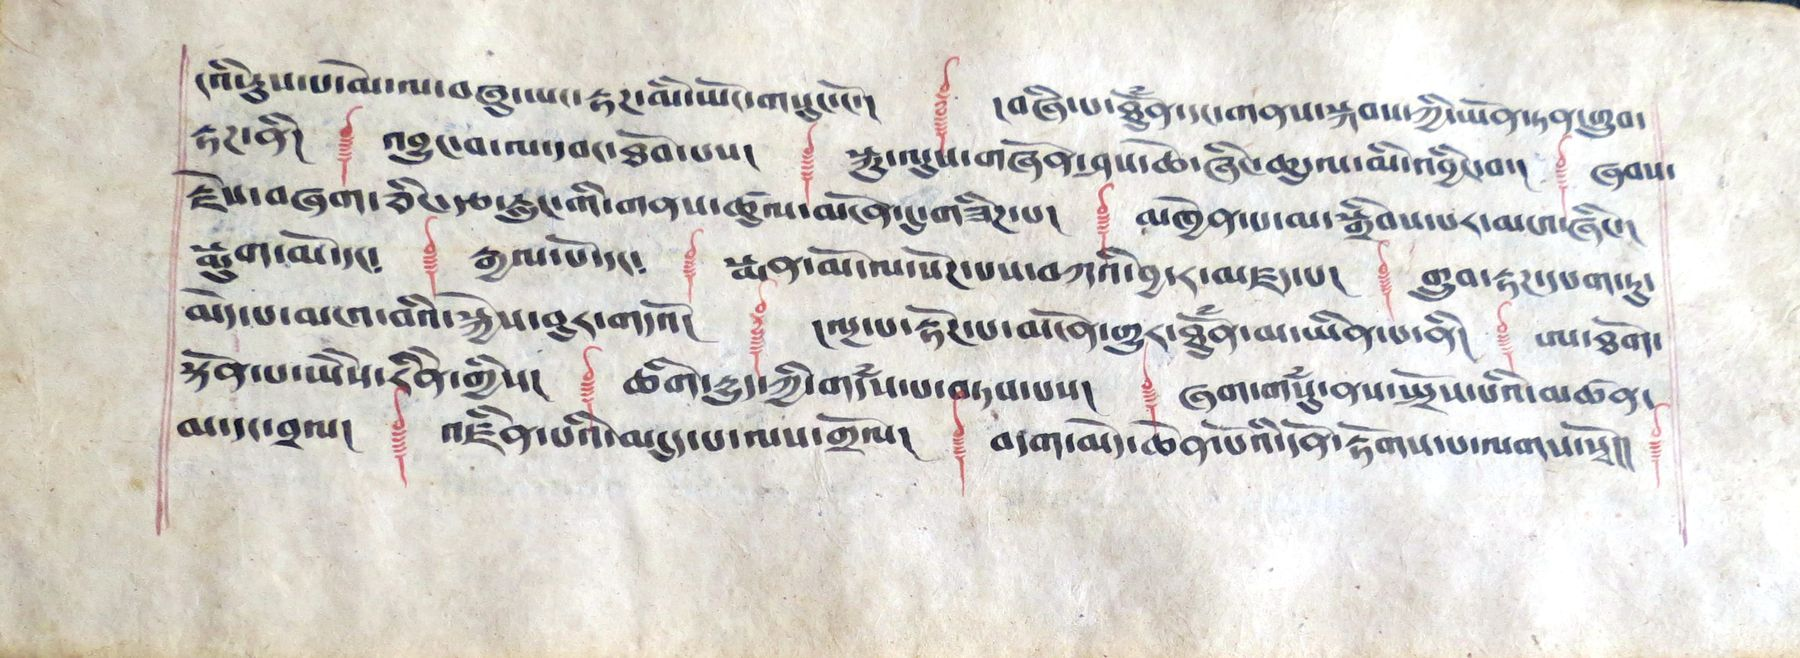ངའི་རུས་པ་མེ་ལ་བཞུ་ཡང་རྟགས་མི་ཡོང་གསུངས་སོ། ། བཞི་པ་ཐུན་མོང་དང་གནས་སྐབས་ཀྱི་ཡོན་ཏན་གྲུབ་
རྟགས་ནི། འབྱུང་བ་ལ་དབང་ཐོབ་པས། སྐུ་ལུས་གཞོན་ཤས་ཆེ་ཞིང་ཆུ་ལ་མི་བྱིང་བ། ཞབས་
རྗེས་བཞག་ཅིང་རྩ་རླུང་གི་གནས་ཚུལ་མངོན་དུ་གཟིགས་པ། མཁྱེན་པ་མ་བསྒྲིབས་པར་མངའ་ཞིང་། 
སྨུག་མོ་དང་རྒྱལ་པོ་དང་སྨན་མོ་ལས་སོགས་པས་བཀའི་བྱ་ར་མཛད་པ། གྲུབ་རྟགས་དཔག་ཏུ་
མེད་པར་མངའ་བའི་སྐྱེས་བུར་གདའ་འོ། ལྔ་པ་རྟོགས་པ་མངོན་གྱུར་ཐུན་མོང་མ་ཡིན་པ་ནི། ཨ་ཐོག་
སྟོན་པ་ཡེ་ཤེས་རིན་ཆེན་གྱིས་གཅིག་བརྒྱུད་ཀྱི་གདམས་པ་བཏབ་པས། ཞག་གསུམ་ནས་སྤྲོས་པའི་མཚན་
མ་དང་བྲལ། འཛིན་པའི་མདུད་པ་ལས་གྲོལ་བདག་མེད་ཆེན་པོའི་དོན་རྟོགས་པ་ལགས་སོ། །